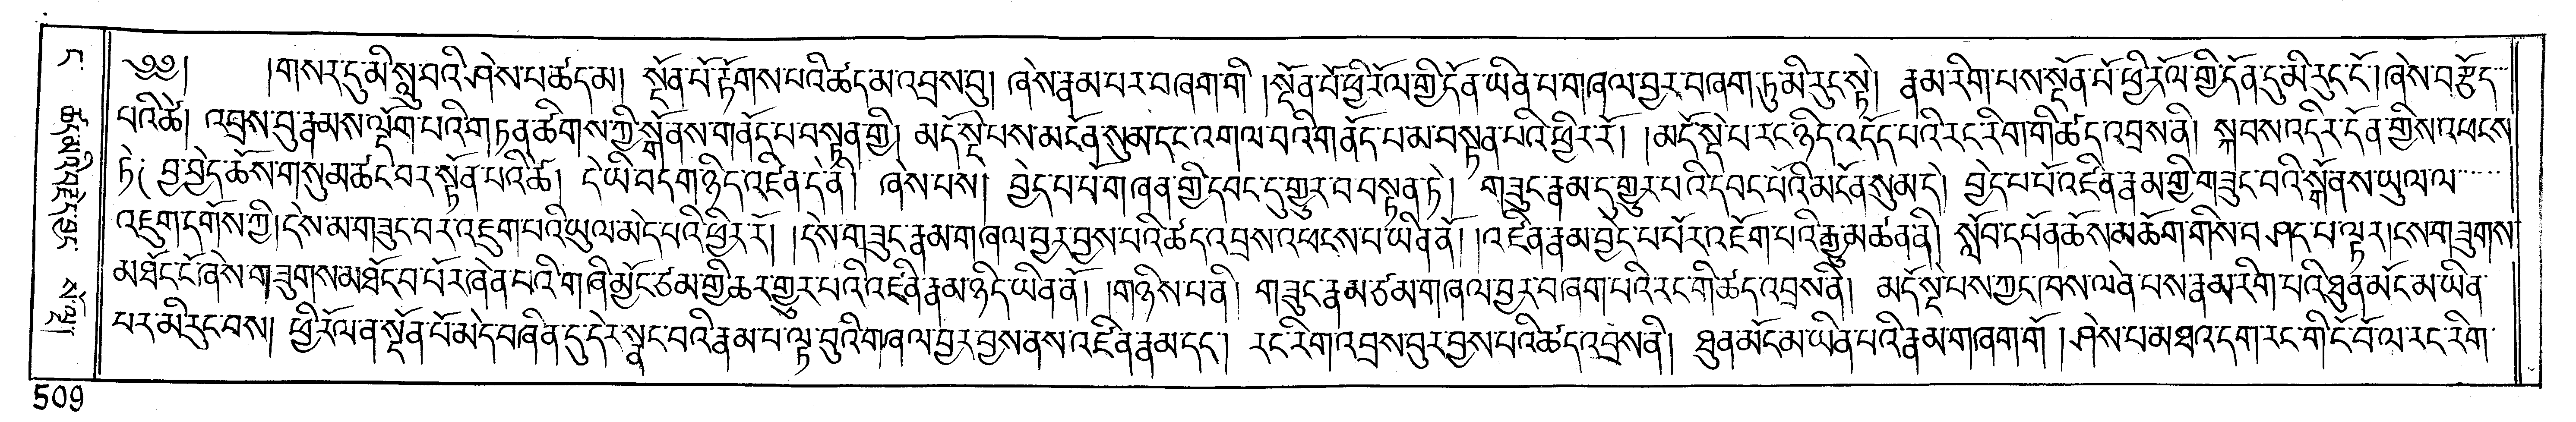༄༅། །གསར་དུ་མི་སླུ་བའི་ཤེས་པ་ཚད་མ། སྔོན་པོ་རྟོགས་པའི་ཚད་མ་འབྲས་བུ། ཞེས་རྣམ་པར་བཞག་གི །སྔོན་པོ་ཕྱི་རོལ་གྱི་དོན་ཡིན་བ་གཞལ་བྱར་བཞག་ཏུ་མི་རུང་སྟེ། རྣམ་རིག་པས་སྔོན་པོ་ཕྱི་རོལ་གྱི་དོན་དུ་མི་རུང་ངོ། ཞེས་བརྩོད་
བའི་ཚེ། འབྲས་བུ་རྣམས་ལྡོག་པའི་གཏན་ཚིགས་ཀྱི་སྒོ་ནས་གནོད་པ་བསྟན་གྱི། མདོ་སྡེ་བས་མངོན་སུམ་དང་འགལ་བའི་གནོད་པ་མ་བསྟན་པའི་ཕྱིར་རོ། །མདོ་སྡེ་པ་རང་ཉིད་འདོད་པའི་རང་རིག་གི་ཚད་འབྲས་ནི། སྐབས་འདིར་དོན་གྱིས་འཕངས་
ཏེ༑ བྱ་བྱེད་ཆོས་གསུམ་ཚང་བར་སྟོན་པའི་ཚེ། དེ་ཡི་བདག་ཉིད་འཛིན་དེ་ནི། ཞེས་པས། བྱེད་པ་པོ་གཞན་གྱི་དབང་དུ་གྱུར་པ་བསྟན་ཏེ། གཟུང་རྣམ་དུ་གྱུར་པའི་དབང་པོའི་མངོན་སུམ་དེ། བྱེད་པ་པོ་འཛིན་རྣམ་གྱི་གཟུང་བའི་སྒོ་ནས་ཡུལ་ལ་
འཇུག་དགོས་ཀྱི། དེས་མ་གཟུང་བར་འཇུག་པའི་ཡུལ་མེད་པའི་ཕྱིར་རོ། །དེས་གཟུང་རྣམ་གཞལ་བྱར་བྱས་པའི་ཚད་འབྲས་འཕངས་པ་ཡིན་ནོ། །འཛིན་རྣམ་བྱེད་པ་པོར་འཇོག་པའི་རྒྱུ་མཚན་ནི། སློབ་དཔོན་ཆོས་མཆོག་གིས་བཤད་པ་ལྟར། ངས་གཟུགས་
མཐོང་ངོ་ཞེས་གཟུགས་མཐོང་བ་པོར་ཞེན་པའི་གཞི་མྱོང་ཙམ་གྱི་ཆར་གྱུར་པའི་འཛིན་རྣམ་ཉིད་ཡིན་ནོ། །གཉིས་པ་ནི། གཟུང་རྣམ་ཙམ་གཞལ་བྱར་བཞག་པའི་རང་གི་ཚད་འབྲས་ནི། མདོ་སྡེ་པས་ཀྱང་ཁས་ལེན་པས་རྣམ་རིག་པའི་ཐུན་མོང་མ་ཡིན་
པར་མི་རུང་བས། ཕྱི་རོལ་ན་སྔོན་པོ་མེད་བཞིན་དུ་དེར་སྣང་བའི་རྣམ་པ་ལྟ་བུའི་གཞལ་བྱར་བྱས་ནས་འཛིན་རྣམ་དང་། རང་རིག་འབྲས་བུར་བྱས་པའི་ཚད་འབྲས་ནི། ཐུན་མོང་མ་ཡིན་པའི་རྣམ་གཞག་གོ། ཤེས་པ་མཐའ་དག་རང་གི་ངོ་བོ་ལ་རང་རིག་